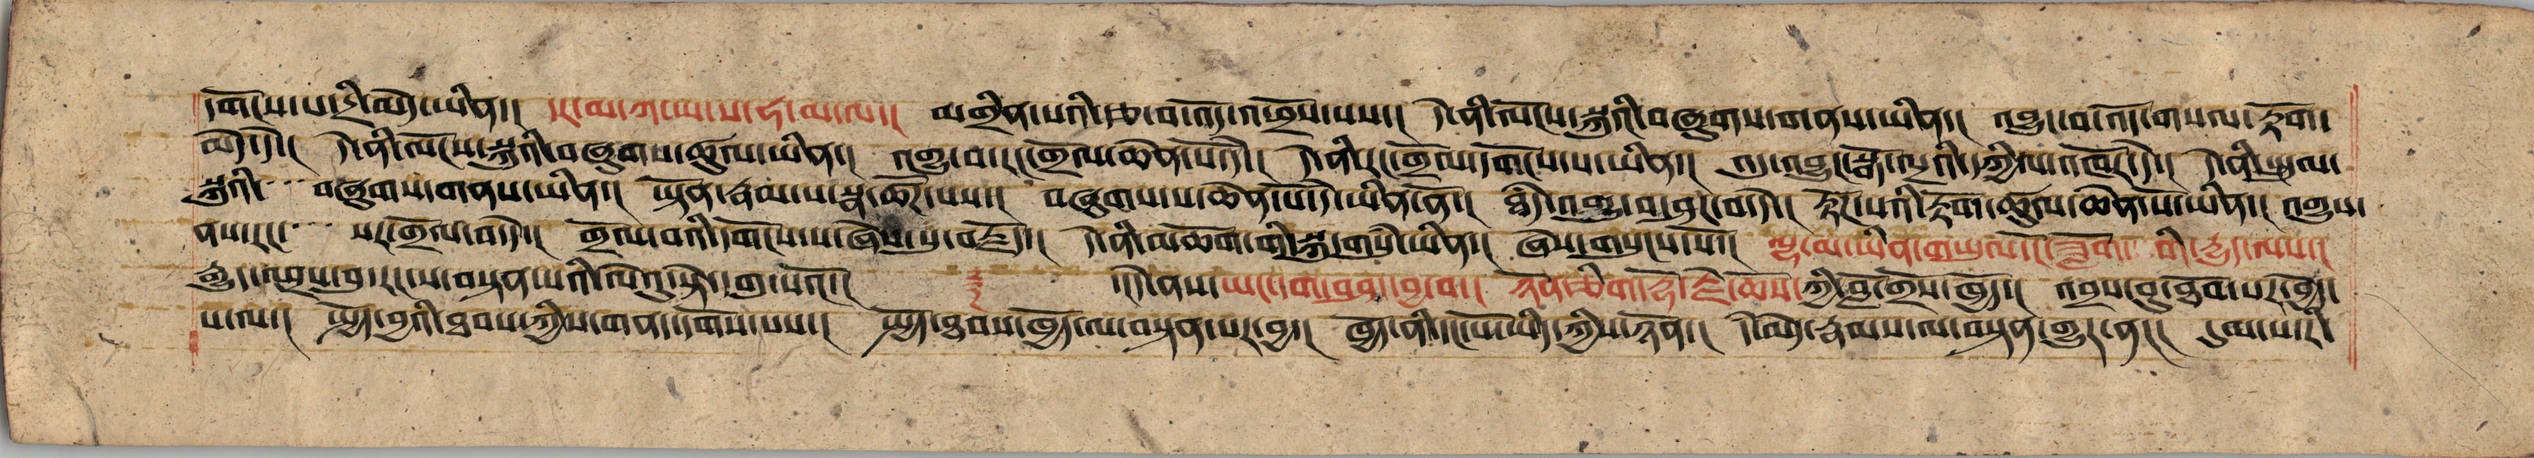དགོངས་པ་དྲི་མེད་ཡིན་། དར་མ་ཀ་ཡ་ས་ཧ་མ་ལ་། མགྲིན་པའི་རྩ་བ་འོད་འཕྲོས་པས་། དེ་ནི་ལོངས་སྐུའི་བཞུགས་གནས་ཡིན་། འབྱུང་བ་འོད་གསལ་རྟོག་
མེད་དེ་། དེ་ནི་ལོངས་སྐུའི་བཞུགས་ཚུལ་ཡིན་། འགྱུ་བ་རང་གྲོལ་ཆེན་པོ་དེ་། དེ་ནི་རང་གྲོལ་དགོངས་པ་ཡིན་། འདུ་འབྱུང་སྒོ་ལྔའི་དཀྱིལ་འཁོར་དེ་། དེ་ནི་སྤྲུལ་
སྐུའི་ བཞུགས་གནས་ཡིན་། ཡྟོན་རྣམ་པ་སྣ་ཚོཌ་པས་། བཞུགས་པ་ཆེན་པོ་དེ་ཡིན་ནོ་། ཐཾད་འགྱུ་བ་ཤར་བ་དེ་། རྟོཌ་པའི་རྟོག་ཚུལ་ཆེན་པོ་ཡིན་། འགྱུས་
ནས་རང་ སར་གྲོལ་བ་དེ་། གྲོལ་བའི་དགོངས་པ་ཞེས་སུ་བརྗོད་། དེ་ནི་མཆོག་གི་སྐུ་གསུཾ་ཡིན་། ཞེས་གསུངས་སོ་། ལྷ་མ་ཡིན་གཡུལ་ངོ་ཟློག་ གི་རྒྱུད་ལས་།
རྒྱུ་དང་འབྲས་བུ་རང་ས་བསྟན་པའི་ལེའུ་སྟེ་དགུ་པའོ་། ༈ ་།དེ་ནས་ཡང་དག་བཤད་བྱ་བ་། ཉོན་ཅིག་རྡོ་རྗེ་ཆོས་ཀྱི་བློ་གྲོས་ཁྱོད་། འབྲས་བུ་ཐོབ་པར་བྱེད་།
པོ་ལ་། སྤྱོད་བྱའི་ཐབས་ཀྱིས་གནད་དགོས་པས་། སྤྱོད་ཐབས་ཁྱོད་ལ་བསྟན་པར་བྱ་། ཁྱོད་ནི་དང་པོ་ཡིད་ཀྱིས་ཉོན་། དཾ་མེད་རྣམས་ལ་བསྟན་གྱུར་ན།།། དུམ་ས་རི